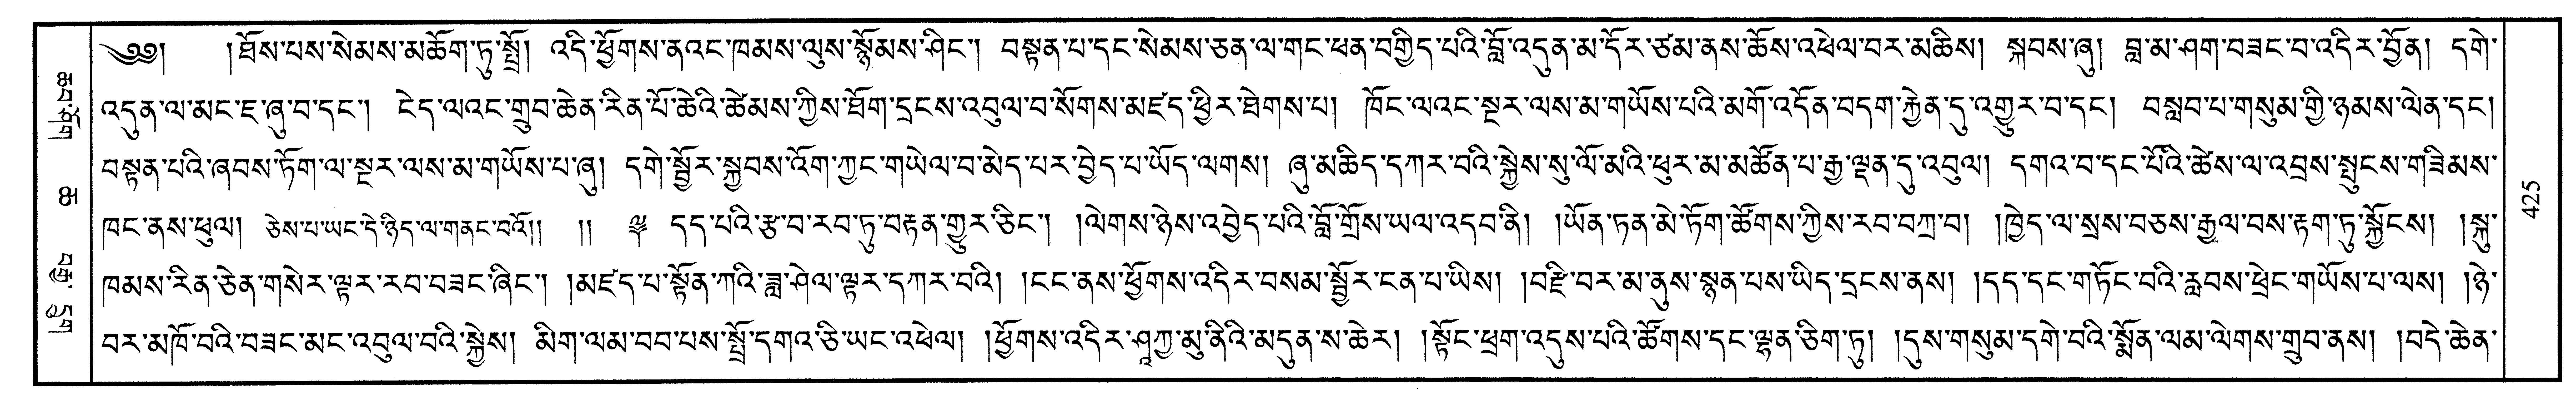༄༅། །ཐོས་པས་སེམས་མཆོག་ཏུ་སྤྲོ། འདི་ཕྱོགས་ནའང་ཁམས་ལུས་སྙོམས་ཤིང་། བསྟན་པ་དང་སེམས་ཅན་ལ་གང་ཕན་བགྱིད་པའི་བློ་འདུན་མ་དོར་ཙམ་ནས་ཆོས་འཕེལ་བར་མཆིས། སྐབས་ཞུ། བླ་མ་ཤག་བཟང་བ་འདིར་བྱོན། དགེ་
འདུན་ལ་མང་ཇ་ཞུ་བ་དང་། ངེད་ལའང་གྲུབ་ཆེན་རིན་པོ་ཆེའི་ཚེམས་ཀྱིས་ཐོག་དྲངས་འབུལ་བ་སོགས་མཛད་ཕྱིར་ཐེགས་པ། ཁོང་ལའང་སྔར་ལས་མ་གཡོས་པའི་མགོ་འདོན་བདག་རྐྱེན་དུ་འགྱུར་བ་དང་། བསླབ་པ་གསུམ་གྱི་ཉམས་ལེན་དང་།
བསྟན་པའི་ཞབས་ཏོག་ལ་སྔར་ལས་མ་གཡོས་པ་ཞུ། དགེ་སྦྱོར་སྐྱབས་འོག་ཀྱང་གཡེལ་བ་མེད་པར་བྱེད་པ་ཡོད་ལགས། ཞུ་མཆིད་དཀར་བའི་སྐྱེས་སུ་ལོ་མའི་ཕུར་མ་མཚོན་པ་རྒྱ་ལྡན་དུ་འབུལ། དགའ་བ་དང་པོའི་ཚེས་ལ་འབྲས་སྤུངས་གཟིམས་
ཁང་ནས་ཕུལ། ཅེས་པ་ཡང་དེ་ཉིད་ལ་གནང་བའོ།། །། ༈ དད་པའི་རྩ་བ་རབ་ཏུ་བརྟན་གྱུར་ཅིང་། །ལེགས་ཉེས་འབྱེད་པའི་བློ་གྲོས་ཡལ་འདབ་ནི། །ཡོན་ཏན་མེ་ཏོག་ཚོགས་ཀྱིས་རབ་བཀྲ་བ། །ཁྱེད་ལ་སྲས་བཅས་རྒྱལ་བས་རྟག་ཏུ་སྐྱོངས། །སྐུ་
ཁམས་རིན་ཅེན་གསེར་ལྟར་རབ་བཟང་ཞིང་། །མཛད་པ་སྟོན་ཀའི་ཟླ་ཤེལ་ལྟར་དཀར་བའི། །ངང་ནས་ཕྱོགས་འདིར་བསམ་སྦྱོར་ངན་པ་ཡིས། །བརྫི་བར་མ་ནུས་སྙན་པས་ཡིད་དྲངས་ནས། །དད་དང་གཏོང་བའི་རླབས་ཕྲེང་གཡོས་པ་ལས། །ཉེ་
བར་མཁོ་བའི་བཟང་མང་འབུལ་བའི་སྐྱེས། མིག་ལམ་བབ་པས་སྤྲོ་དགའ་ཅི་ཡང་འཕེལ། །ཕྱོགས་འདིར་ཤཱཀྱ་མུ་ནིའི་མདུན་ས་ཆེར། །སྟོང་ཕྲག་འདུས་པའི་ཚོགས་དང་ལྷན་ཅིག་ཏུ། །དུས་གསུམ་དགེ་བའི་སྨོན་ལམ་ལེགས་གྲུབ་ནས། །བདེ་ཆེན་